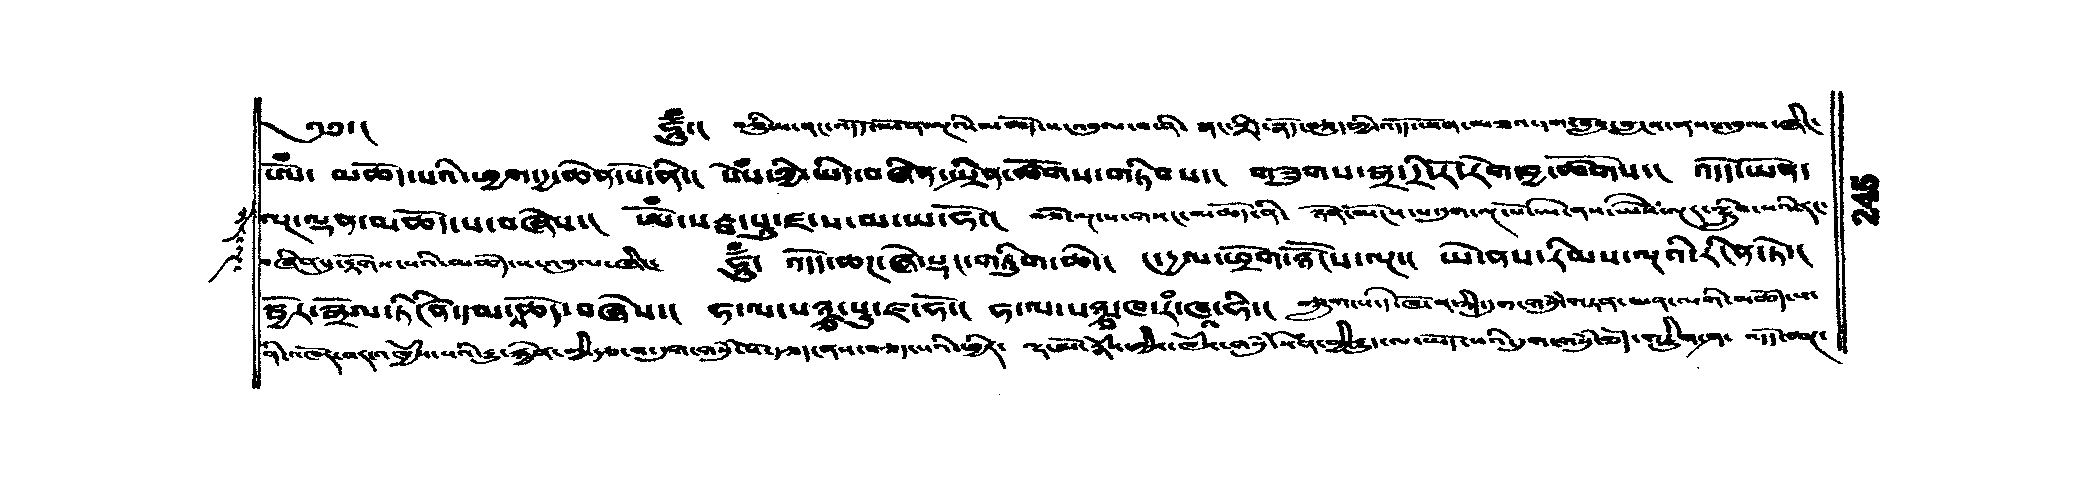བཅུ་གཉིས་པ་ནང་འདོད་ཡོན་ལྔའི་མཆོད་པ་ཕུལ་བ་ནི། སྣང་སྲིད་སྣོད་བཅུད་ཀྱི་འདོད་ཡོན་མཐའ་དག་བློས་བླངས་ནས་ཕུལ་ཞིང་། 
ཨོཾ། མཆོད་པའི་ཕྱག་རྒྱ་ཆེན་པོ་ནི། །སེམས་ཀྱི་ཡིད་བཞིན་སྤྲིན་ཚོགས་གཏིབས། །གཟུགས་སྒྲ་དྲི་རོ་རེག་བྱ་ཚོགས། །འདོད་ཡོན་
ལྔ་ལྡན་མཆོད་པ་བཞེས། །ཨོཾ་སརྦ་པཱུ་ཛ་ས་མ་ཡ་ཧོ། བཅོ་ལྔ་པ་གསང་མཆོད་ནི། ཉོན་མོངས་པ་དུག་ལྔ་ཡེ་ནས་ཡེ་ཤེས་ལྔར་ལྷུན་གྱིས་གྲུབ་པའི་རང་
བཞིན་དུ་རྟོགས་པའི་མཆོད་པ་འབུལ་ཞིང་། ཧཱུྃ། འདོད་ཆགས་ཞེ་སྡང་གཏི་མུག་ཆེ། །ང་རྒྱལ་ཕྲག་དོག་ཉོན་མོངས་ལྔ་། །ཡེ་ནས་རིགས་ལྔའི་རང་བཞིན་ཏེ། །
སྦྱོར་སྒྲོལ་ཏིང་འཛིན་དམ་ཆོས་བཞེས། །ཧ་ལ་པཉྩ་པཱུ་ཛ་ཧོ། ཧ་ལ་པཉྩ་ཁ་རཾ་ཁཱ་ཧི། བཅུ་དྲུག་པ་དེ་ཁོ་ན་ཉིད་དུག་གསུམ་གཏན་ཡན་ལག་གི་མཆོད་པ་
ནི་འཁོར་བར་འཁྱམས་པའི་དུག་གསུམ་པོ་རྩད་ནས་བཅད་པའི་ཕྱིར། ལྷ་མོ་རྣམས་ཀྱིས་ཁམས་གསུམ་སེམས་ཅན་གྱི་རྒྱུད་ལ་ཡོད་པའི་དུག་གསུམ་ཐམས་ཅད་གཏི་མུག་ཤ། འདོད་ཆགས་